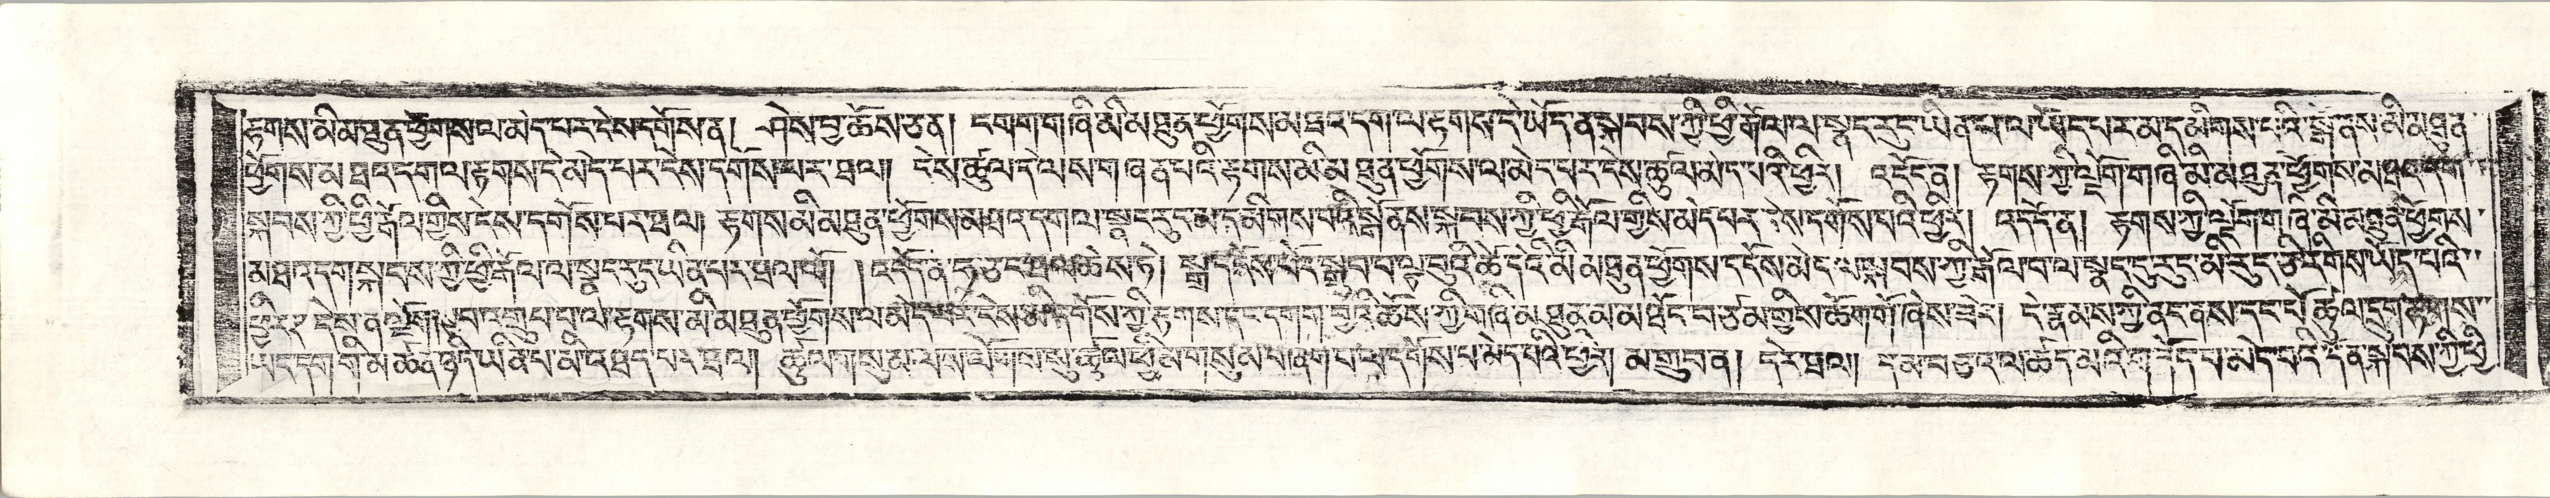རྟགས་མི་མཐུན་ཕྱོགས་ལ་མེད་པར་ངེས་དགོས་ན། ཤེས་བྱ་ཆོས་ཅན། དགག་གཞི་མི་མཐུན་ཕྱོགས་མཐའ་དག་ལ་རྟགས་དེ་ཡོད་ན་སྐབས་ཀྱི་ཕྱི་རྒོལ་ལ་སྣང་རུང་ཡིན་པ་ལ་ཡོད་པར་མ་དམིགས་པའི་སྒོ་ནས་མི་མཐུན་
ཕྱོགས་མཐའ་དག་ལ་རྟགས་དེ་མེད་པར་ངེས་དགོས་པར་ཐལ། ངེས་ཚུལ་དེ་ལས་གཞན་པའི་རྟགས་མི་མཐུན་ཕྱོགས་ལ་མེད་པར་ངེས་ཚུལ་མེད་པའི་ཕྱིར། འདོད་ན། རྟགས་ཀྱི་ལྡོག་གཞི་མི་མཐུན་ཕྱོགས་མཐའ་དག་
སྐབས་ཀྱི་ཕྱི་རྒོལ་གྱིས་ངེས་དགོས་པར་ཐལ། རྟགས་མི་མཐུན་ཕྱོགས་མཐའ་དག་ལ་སྣང་རུང་མ་དམིགས་པའི་སྒོ་ནས་སྐབས་ཀྱི་ཕྱི་རྒོལ་གྱིས་མེད་པར་ངེས་དགོས་པའི་ཕྱིར། འདོད་ན། རྟགས་ཀྱི་ལྡོག་གཞི་མི་མཐུན་ཕྱོགས་
མཐའ་དག་སྐབས་ཀྱི་ཕྱི་རྒོལ་ལ་སྣང་རུང་ཡིན་པར་ཐལ་ལོ། །འདོད་ན་ཧ་ཅང་ཐལ་ཆེ་སྟེ། སྒྲ་དངོས་པོར་སྒྲུབ་པ་ལྟ་བུའི་ཚེ་དེའི་མི་མཐུན་ཕྱོགས་དངོས་མེད་ལ་སྐབས་ཀྱི་རྒོལ་བ་ལ་སྣང་དུ་རུང་མི་རུང་ཅི་རིགས་ཡོད་པའི་
ཕྱིར། དེས་ན་ལྡོག་ཁྱབ་འགྲུབ་པ་ལ་རྟགས་མི་མཐུན་ཕྱོགས་ལ་མེད་པར་ངེས་མི་དགོས་ཀྱི་རྟགས་དང་དགག་བྱའི་ཆོས་ཀྱི་གཞི་མཐུན་མ་མཐོང་བ་ཙམ་གྱིས་ཆོག་གོ་ཞེས་ཟེར། དེ་རྣམས་ཀྱི་ནང་ནས་དང་པོ་ཚུལ་དྲུག་རྟགས་
ཡང་དག་གི་མཚན་ཉིད་ཡིན་པ་མི་འཐད་པར་ཐལ། ཚུལ་གསུམ་ལས་ལོགས་སུ་ཚུལ་ཕྱི་མ་གསུམ་བཞག་པ་ལ་དགོས་པ་མེད་པའི་ཕྱིར། མ་གྲུབ་ན། དེར་ཐལ། དམ་བཅའ་ལ་ཚད་མའི་གནོད་པ་མེད་པའི་དོན་སྐབས་ཀྱི་ཕྱི་